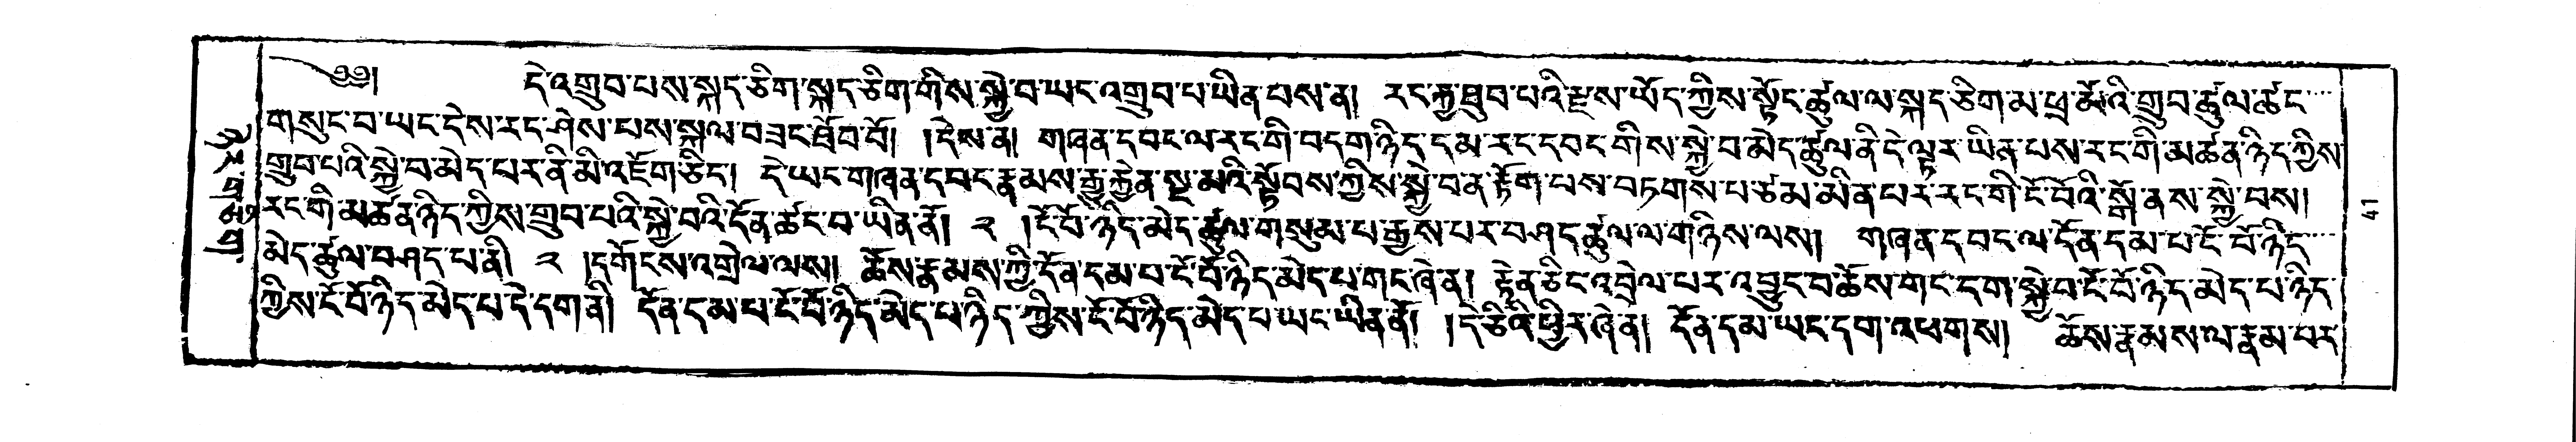༄༅། །དེ་འགྲུབ་པས་སྐད་ཅིག་སྐད་ཅིག་གིས་སྐྱེ་བ་ཡང་འགྲུབ་པ་ཡིན་པས་ན། རང་རྐྱ་ཐུབ་པའི་རྫས་ཡོད་ཀྱིས་སྟོང་ཚུལ་ལ་སྐད་ཅིག་མ་ཕྲ་མོའི་གྲུབ་ཚུལ་ཚང་
གསུང་བ་ཡང་དེས་རང་ཤེས་པས་སྐལ་བཟང་ཐོབ་བོ། །དེས་ན། གཞན་དབང་ལ་རང་གི་བདག་ཉིད་དམ་རང་དབང་གིས་སྐྱེ་བ་མེད་ཚུལ་ནི་དེ་ལྟར་ཡིན་པས་རང་གི་མཚན་ཉིད་ཀྱིས་
གྲུབ་པའི་སྐྱེ་བ་མེད་པར་ནི་མི་འཇོག་ཅིང་། དེ་ཡང་གཞན་དབང་རྣམས་རྒྱུ་རྐྱེན་སྔ་མའི་སྟོབས་ཀྱིས་སྐྱེ་བ་ན་རྟོག་པས་བཏགས་པ་ཙམ་མིན་པར་རང་གི་ངོ་བོའི་སྒོ་ནས་སྐྱེ་བས།
རང་གི་མཚན་ཉིད་ཀྱིས་གྲུབ་པའི་སྐྱེ་བའི་དོན་ཚང་བ་ཡིན་ནོ། །ངོ་བོ་ཉིད་མེད་ཚུལ་གསུམ་པ་རྒྱས་པར་བཤད་ཚུལ་ལ་གཉིས་ལས། གཞན་དབང་ལ་དོན་དམ་པ་ངོ་བོ་ཉིད་
མེད་ཚུལ་བཤད་པ་ནི། །དགོངས་འགྲེལ་ལས། ཆོས་རྣམས་ཀྱི་དོན་དམ་པ་ངོ་བོ་ཉིད་མེད་པ་གང་ཞེ་ན། རྟེན་ཅིང་འབྲེལ་བར་འབྱུང་བ་ཆོས་གང་དག་སྐྱེ་བ་ངོ་བོ་ཉིད་མེད་པ་ཉིད་
ཀྱིས་ངོ་བོ་ཉིད་མེད་པ་དེ་དག་ནི། དོན་དམ་པ་ངོ་བོ་ཉིད་མེད་པ་ཉིད་ཀྱིས་ངོ་བོ་ཉིད་མེད་པ་ཡང་ཡིན་ནོ། །དེ་ཅིའི་ཕྱིར་ཞེ་ན། དོན་དམ་ཡང་དག་འཕགས། ཆོས་རྣམས་ལ་རྣམ་པར་